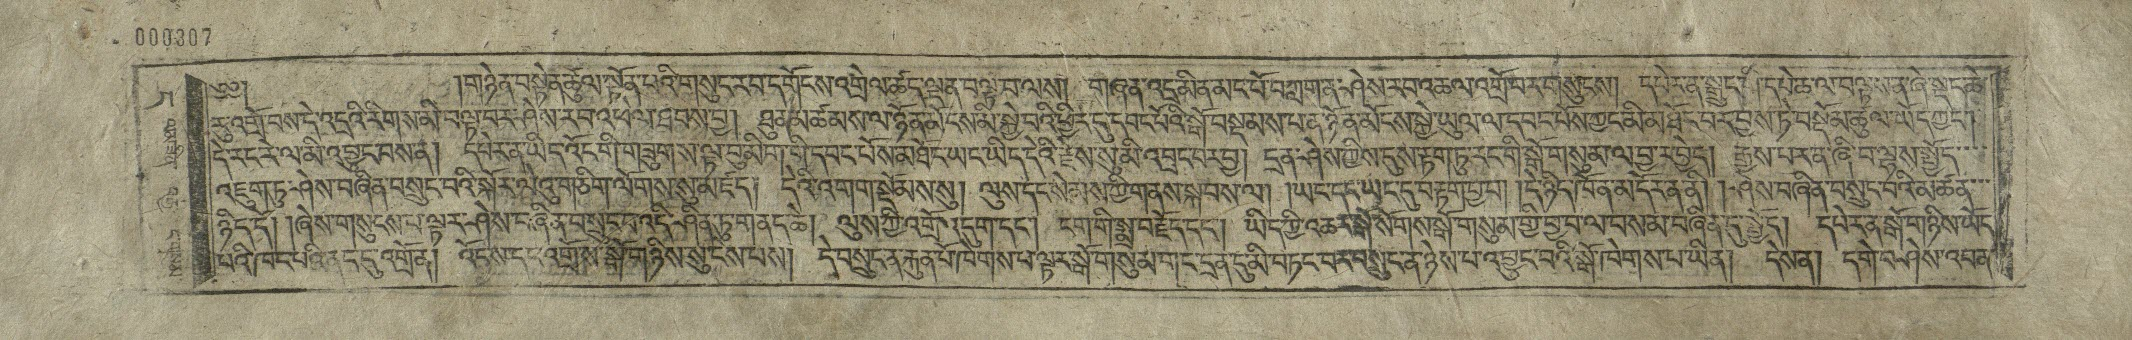༄༅། །གཉེན་བསྟེན་ཚུལ་སྟོན་པའི་གསུང་རབ་དགོངས་འགྲེལ་ཚད་ལྡན་བལྟ་བ་ལས། གཞན་འདྲ་མིན་མང་པོ་བཀླག་ན་ཤེས་རབ་འཆལ་འགྲོ་བར་གསུངས། དཔེར་ན་སྒྲུང་གི་དཔེ་ཆ་ལ་བལྟས་ན་ཞེ་སྡང་ཆེ་
རུ་འགྲོ་བས་དེ་འདྲའི་རིགས་མི་བལྟ་བར་ཤེས་རབ་འཕེལ་ཐབས་བྱ། ཐུན་མཚམས་ལ་ཉོན་མོངས་མི་སྐྱེ་བའི་ཕྱིར་དུ་དབང་པོའི་སྒོ་བསྡམས་པ་ན་ཉོན་མོངས་སྐྱེ་ཡུལ་ལ་དབང་པོས་ཀྱང་མི་མཐོང་བར་བྱས་ཏེ་བསྡོམ་ཚུལ་ཡོད་ཀྱང་།
དེ་རང་རེ་ལ་མི་འབྱུང་བས་ན། དཔེར་ན་ཡིད་འོང་གི་གཟུགས་ལྟ་བུ་མིག་གི་དབང་པོས་མཐོང་ཡང་ཡིད་དེའི་རྗེས་སུ་མི་འབྲང་བར་བྱ། དྲན་ཤེས་ཀྱིས་དུས་རྟག་ཏུ་རང་གི་སྒོ་གསུམ་ལ་བྱ་ར་བྱེད། རྒྱས་པར་ན་ཞི་བ་ལྷས་སྤྱོད་
འཇུག་ཏུ་ཤེས་བཞིན་བསྲུང་བའི་སྐོར་ལེའུ་གཅིག་ལོགས་སུ་མཛད། དེའི་འགག་སྡོམས་སུ། ལུས་དང་སེམས་ཀྱི་གནས་སྐབས་ལ། །ཡང་དང་ཡང་དུ་བརྟག་བྱ་བ། །དེ་ཉིད་ཁོ་ན་མདོར་ན་ནི། །ཤེས་བཞིན་བསྲུང་བའི་མཚན་
ཉིད་དོ། །ཞེས་གསུངས་པ་ལྟར་ཤེས་བཞིན་བསྲུང་བ་འདི་ཤིན་ཏུ་གནད་ཆེ། ལུས་ཀྱི་འགྲོ་འདུག་དང་། ངག་གི་སྨྲ་བརྗོད་དང་། ཡིད་ཀྱི་འཆར་སྒོ་སོགས་སྒོ་གསུམ་གྱི་བྱ་བ་ལ་བསམ་བཞིན་དུ་སྤྱོད། དཔེར་ན་སྒོ་གཉིས་ཡོད་
པའི་ཁང་པའི་ནང་དུ་འགྲོ་ན། འོང་ས་དང་འགྲོ་ས་སྒོ་གཉིས་སུ་ངེས་པས། དེ་བསྲུང་ན་རྐུན་པོ་ཁེགས་པ་ལྟར་སྒོ་གསུམ་གང་དྲན་དུ་མི་བཏང་བར་བསྲུང་ན་ཉེས་པ་འབྱུང་བའི་སྒོ་ཁེགས་པ་ཡིན། དེས་ན། དགེ་བཤེས་འབན་